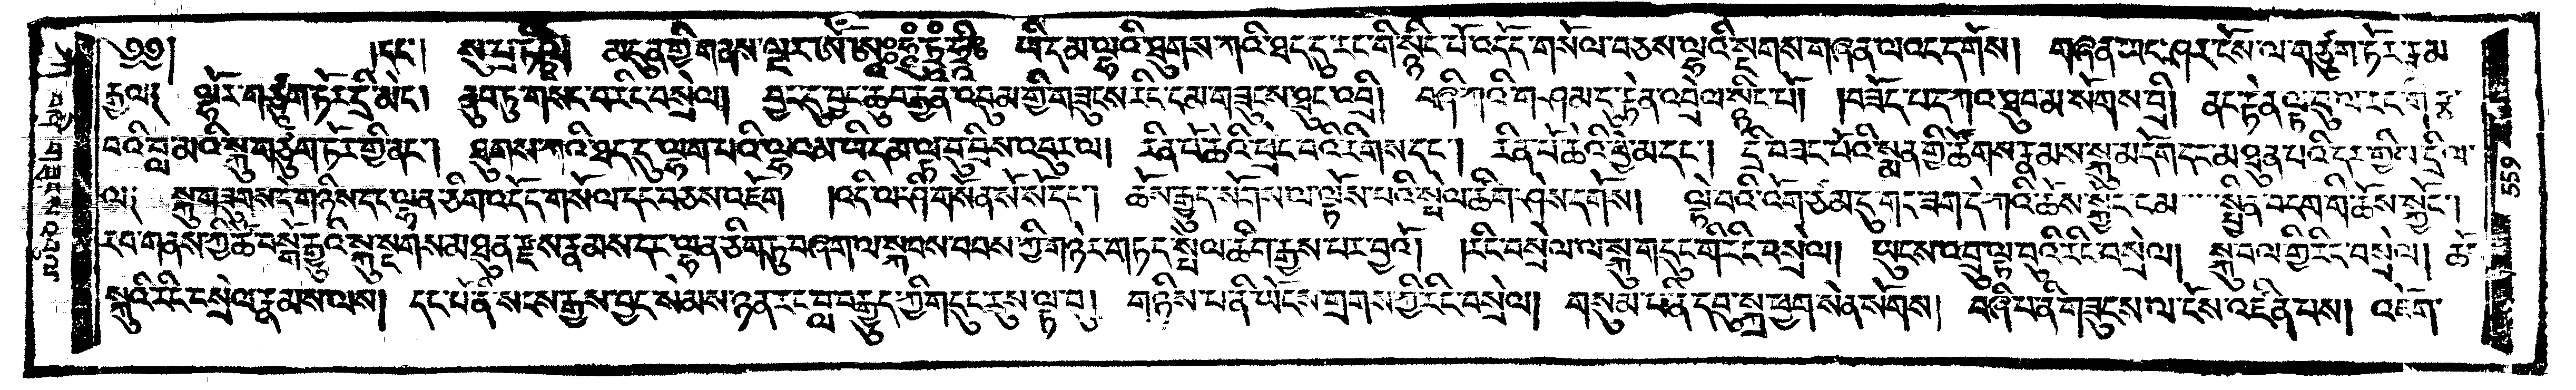༄༅། །དང་། སུ་པྲ་ཏིཥཊཿཨ། མདུན་གྱི་གནས་ལྔར་ཨོཾ་ཨཱཿ ཧཱུཾ་ཏྲཱཾ་ཧྲཱིཿ ཡི་དམ་ལྷའི་ཐུགས་ཀའི་ཐད་དུ་རན་གི་སྙིང་པོ་འདོད་གསོལ་བཅས་ལྷའི་སྔགས་གཞན་ལའང་དགོས། གཞན་ཡང་ཤར་ངོས་ལ་གཙུག་ཏོར་རྣམ་
རྒྱལ། ལྷོར་གཙུག་ཏོར་དྲི་མེད། ནུབ་ཏུ་གསང་བ་རིང་བསྲེལ། བྱང་དུ་བྱང་ཆུབ་རྒྱན་འབུམ་གྱི་གཟུངས་རིང་དམ་གཟུངས་ཐུང་འབྲི། བཞི་ཀའི་གཤམ་དུ་རྟེན་འབྲེལ་སྙིང་པོ། །བཟོད་པ་དཀའ་ཐུབ་མ་སོགས་བྲི། ནང་རྟེན་ལྟ་བུ་ལ་རང་གི་྾་
བའི་བླ་མའི་སྐུ་གཙུག་ཏོར་གྱི་ནང་། ཐུགས་ཀའི་ཐད་དུ་ལྷག་པའི་ལྷའམ་ཡི་དམ་ལྟ་བུ་བྲིས་འབུར་ལ། རིན་པོ་ཆེའི་ཕྲེང་བའི་རིགས་དང་། རིན་པོ་ཆེའི་ཕྱེ་མ་དང་། དྲི་བཟང་པོའི་སྨན་གྱི་ཚོགས་རྣམས་སྐུ་མདོག་དང་མཐུན་པའི་དར་གྱིས་དྲིལ་
ལ། སྐུ་གཟུགས་དེ་གཉིས་དང་ལྷན་ཅིག་འདོད་གསོལ་དང་བཅས་འཇོག །འདི་ལ་ཤི་གསོན་སོ་སོ་དང་། ཆོས་རྒྱུད་སོགས་ལ་ལྟོས་པའི་སྤེལ་ཚིག་ཤེས་དགོས། ལྟེ་བའི་འོག་ཙམ་དུ་གང་ཟག་དེ་ཀའི་ཆོས་སྐྱོང་ངམ་སྦྱིན་བདག་གི་ཆོས་སྐྱོང་།
རབ་གནས་ཀྱི་ཚེ་བསྒོ་རྒྱུའི་སྐུ་སྔགས་མཐུན་རྫས་རྣམས་དང་ལྷན་ཅིག་ཏུ་བཞག་ལ་སྐབས་བབས་ཀྱི་གཉེར་གཏད་སྤེལ་ཚིག་རྒྱས་པར་བྱའོ། །རིང་བསྲེལ་ལ་སྐུ་གདུང་གི་རིང་བསྲེལ། ཡུངས་འབྲུ་ལྟ་བུའི་རིང་བསྲེལ། སྐུ་བལ་གྱི་རིང་བསྲེལ། ཆོ་
སྐུའི་རིང་བསྲེལ་རྣམས་ལས། དང་པོ་ནི་སངས་རྒྱས་བྱང་སེམས་ཉན་རང་བླ་བརྒྱུད་ཀྱི་གདུང་རུས་ལྟ་བུ། གཉིས་པ་ནི་ཡོངས་གྲགས་ཀྱི་རིང་བསྲེལ། གསུམ་པ་ནི་དབུ་སྐྲ་ཕྱག་སེན་སོགས། བཞི་བ་ནི་གཟུངས་ལ་ངོས་འཛིན་པས། འཇོག་